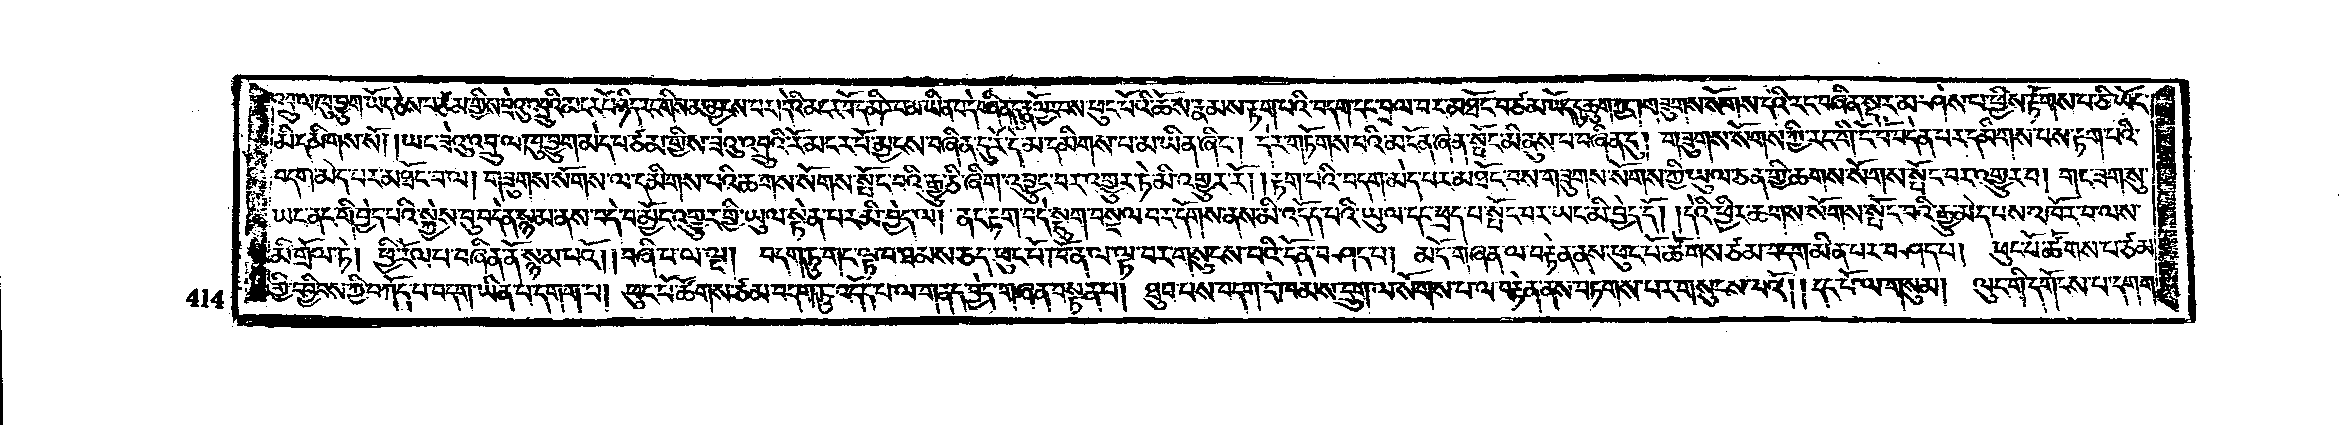འབྲུལ་ཁུ་བྱུག་ཡོད་ཅེས་པ་ཙམ་གྱིས་ཟེའུ་འབྲུའི་མངར་པོ་ཉིད་རང་གིས་མ་མྱོངས་པར། དེའི་མངར་པོ་དམིགས་པ་མ་ཡིན་པ་དེ་བཞིན་དུ་རྣལ་འབྱོར་པས་ཕུང་པོའི་ཆོས་རྣམས་རྟག་པའི་བདག་དང་བྲལ་བར་མཐོང་བ་ཙམ་ཡོད་དུ་ཆུག་ཀྱང་། གཟུགས་སོགས་དེའི་རང་བཞིན་སྔར་མ་ཤེས་པ་ཕྱིས་རྟོགས་པ་ཅི་ཡང་
མི་དམིགས་སོ། །ཡང་ཟེའུ་འབྲུ་ལ་ཁུ་བྱུག་མེད་པ་ཙམ་གྱིས་ཟེའུ་འབྲུའི་རོ་མངར་པོ་མྱངས་བཞིན་དུ་རོ་དེ་མ་དམིགས་པ་མ་ཡིན་ཞིང་། དེར་གཏོགས་པའི་མངོན་ཞེན་སྤོང་མི་ནུས་པ་བཞིན་དུ། གཟུགས་སོགས་ཀྱི་རང་གི་ངོ་བོ་བདེན་པར་དམིགས་པས་རྟག་པའི་
བདག་མེད་པར་མཐོང་བ་ལ། གཟུགས་སོགས་ལ་དམིགས་པའི་ཆགས་སོགས་སྤོང་བའི་རྒྱུ་ཅི་ཞིག་འབྱུང་བར་འགྱུར་ཏེ་མི་འགྱུར་རོ། །རྟག་པའི་བདག་མེད་པར་མཐོང་བས་གཟུགས་སོགས་ཀྱི་ཡུལ་ཅན་གྱི་ཆགས་སོགས་སྤོང་བར་འགྱུར་བ། གང་ཟག་སུ་
ཡང་ནང་གི་བྱེད་པའི་སྐྱེས་བུ་བདེན་སྙམ་ནས་བདེ་བ་མྱོང་འགྱུར་གྱི་ཡུལ་སྟེན་པར་མི་བྱེད་ལ། ནང་རྟག་བདེ་སྡུག་བསྔལ་བར་དོགས་ནས་མི་འདོད་པའི་ཡུལ་དང་ཕྲད་པ་སྤོང་བར་ཡང་མི་བྱེད་དོ། །དེའི་ཕྱིར་ཆགས་སོགས་སྤོང་བའི་རྒྱུ་མེད་པས་འཁོར་བ་ལས་
མི་གྲོལ་ཏེ། ཕྱི་རོལ་པ་བཞིན་ནོ་སྙམ་པའོ། །བཞི་པ་ལ་ལྔ། བདག་ཏུ་གང་ལྟ་བ་ཐམས་ཅད་ཕུང་པོ་ཁོ་ན་ལ་ལྟ་པར་གསུངས་པའི་དོན་བཤད་པ། མདོ་གཞན་ལ་བརྟེན་ནས་ཕུང་པོ་ཚོགས་ཙམ་བདག་མིན་པར་བཤད་པ། ཕུང་པོ་ཚོགས་པ་ཙམ་
གྱི་དབྱིབས་ཀྱི་བཀོད་པ་བདག་ཡིན་པ་དགག་པ། ཕུང་པོ་ཚོགས་ཙམ་བདག་ཏུ་འདོད་པ་ལ་གནོད་བྱེད་གཞན་བསྟན་པ། ཐུབ་པས་བདག་དེ་ཁམས་དྲུག་ལ་སོགས་པ་ལ་བརྟེན་ནས་བཏགས་པར་གསུངས་པའོ། །དང་པོ་ལ་གསུམ། ལུང་གི་དགོངས་པ་དགག་